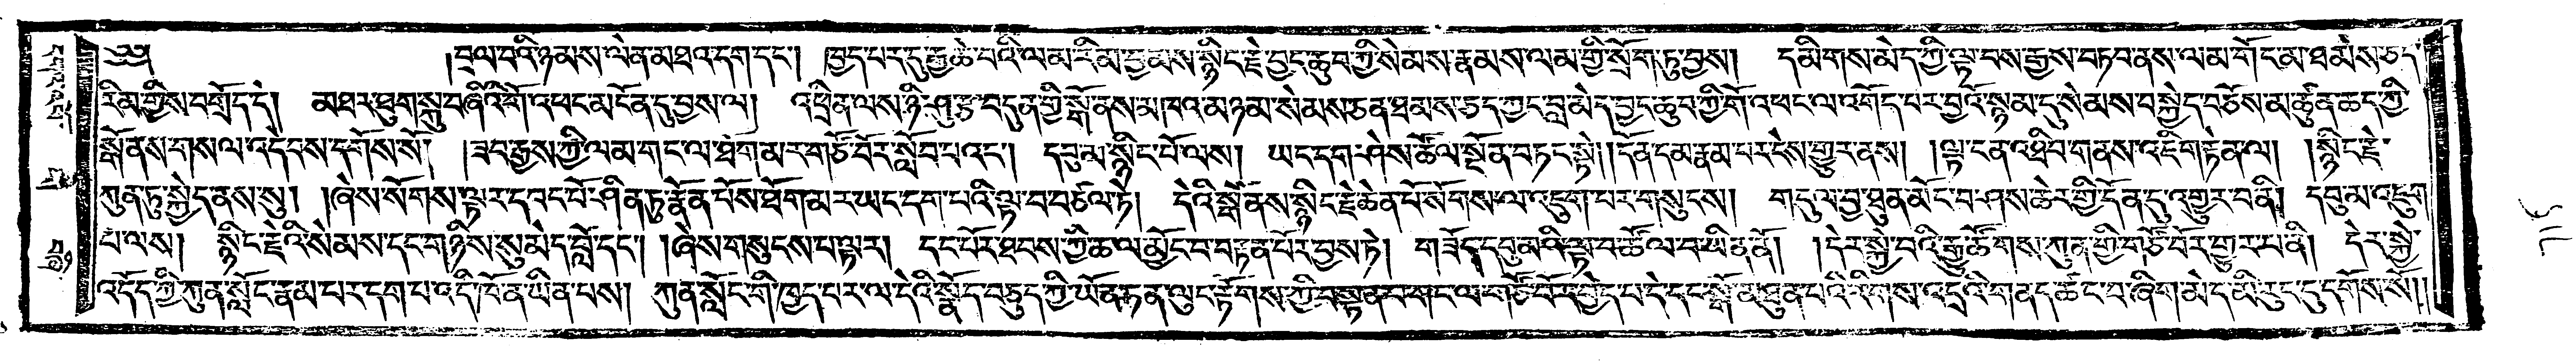༄༅། །བྲལ་བའི་ཉམས་ལེན་མཐའ་དག་དང་། ཁྱད་པར་དུ་རྒྱ་ཆེ་བའི་ལམ་རིམ་བྱམས་སྙིང་རྗེ་བྱང་ཆུབ་ཀྱི་སེམས་རྣམས་ལམ་གྱི་སྲོག་ཏུ་བྱས། དམིགས་མེད་ཀྱི་ལྟ་བས་རྒྱས་བཏབ་ནས་ལམ་གོང་མ་ཐམས་ཅད་
རིམ་གྱིས་བགྲོད་དེ། མཐར་ཐུག་སྐུ་བཞིའི་གོ་འཕང་མངོན་དུ་བྱས་ལ། འཕྲིན་ལས་ཉི་ཤུ་རྩ་བདུན་གྱི་སྒོ་ནས་མཁའ་མཉམ་སེམས་ཅན་ཐམས་ཅད་ཀྱང་བླ་མེད་བྱང་ཆུབ་ཀྱི་གོ་འཕང་ལ་འགོད་པར་བྱའོ་སྙམ་དུ་སེམས་བསྐྱེད་བཅོས་མཚུན་ཆད་ཀྱི་
སྒོ་ནས་གསལ་འདེབས་དགོས་སོ། །ཟབ་རྒྱས་ཀྱི་ལམ་གང་ལ་ཐོག་མར་གཙོ་བོར་སློབ་པའང་། དབུ་མ་སྙིང་པོ་ལས། ཡང་དག་ཤེས་ཚོལ་སྔོན་བཏང་སྟེ། དོན་དམ་རྣམ་པར་ངེས་གྱུར་ནས། །ལྟ་ངན་འཐིབ་གནས་འཇིག་རྟེན་ལ། །སྙིང་རྗེ་
ཀུན་ཏུ་སྐྱེད་ནས་སུ། །ཞེས་སོགས་ལྟར་དབང་པོ་ཤིན་ཏུ་རྣོན་པོས་ཐོག་མར་ཡང་དག་པའི་ལྟ་བ་བཙལ་ཏེ། དེའི་སྒོ་ནས་སྙིང་རྗེ་ཆེན་པོ་སོགས་ལ་འཇུག་པར་གསུངས། གདུལ་བྱ་ཐུན་མོང་བ་ཤས་ཆེར་གྱི་དོན་དུ་འགྱུར་བ་ནི། དབུ་མ་འཇུག་
པ་ལས། སྙིང་རྗེའི་སེམས་དང་གཉིས་སུ་མེད་བློ་དང་། །ཞེས་གསུངས་པ་ལྟར། དང་པོར་ཐབས་ཀྱི་ཆ་ལ་མྱོང་བ་བརྟན་པོར་བྱས་ཏེ། གཟོད་དབུ་མའི་ལྟ་བ་ཚོལ་བ་ཡིན་ནོ། །དེར་སྐྱེ་བའི་རྒྱུ་ཚོགས་ཀུན་གྱི་གཙོ་བོར་གྱུར་བ་ནི། དེར་སྐྱེ་
འདོད་ཀྱི་ཀུན་སློང་རྣམ་པར་དག་པ་འདི་ཁོ་ན་ཡིན་པས། ཀུན་སློང་གི་ཁྱད་པར་ལ་དེའི་སྣོད་བཅུད་ཀྱི་ཡོན་ཏན་ལུང་རྟོགས་ཀྱི་བསྟན་པ་གང་ལ་གཙོ་བོར་བྱེད་པ་དེ་དང་སྒོ་མཐུན་པའི་རིགས་འདྲའི་གནད་ཚང་བ་ཞིག་མི་རུང་དུ་དགོས་སོ། །